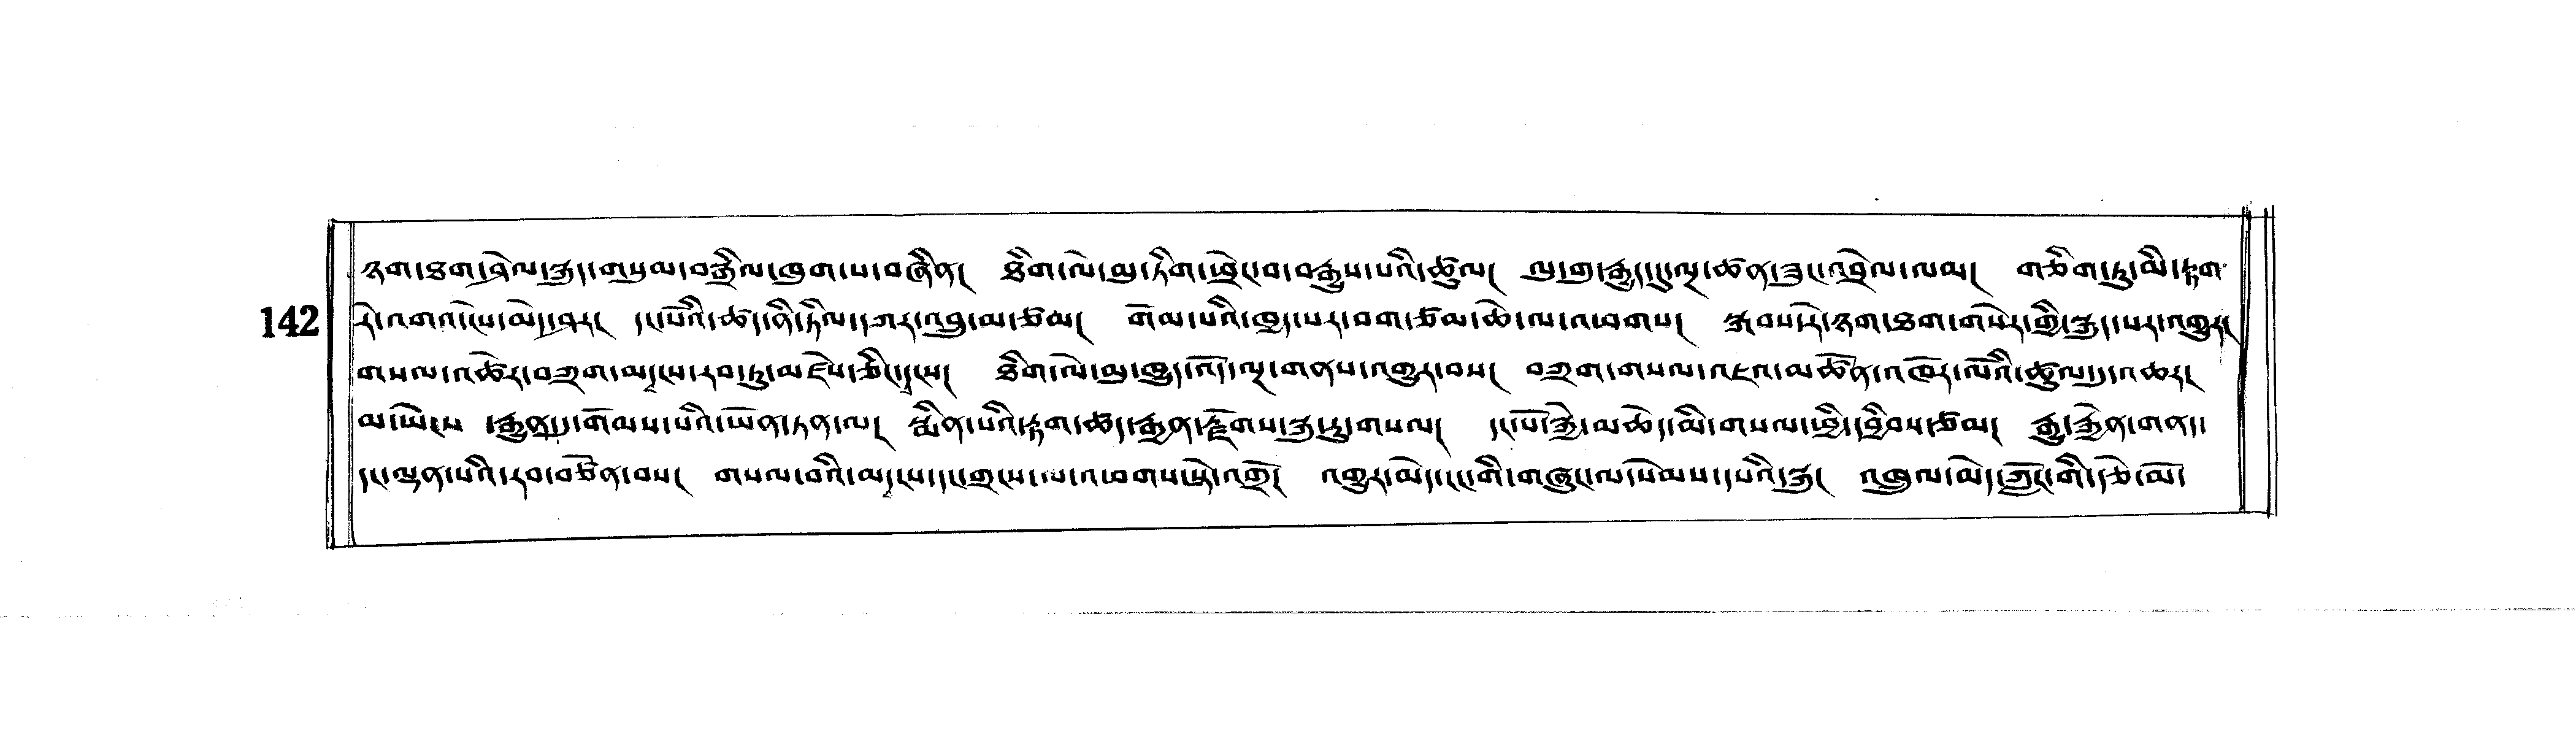ཉག་ཐག་ཤེལ་སྐུད་སུམ་སྒྲིལ་ཁུག་པ་བཞིན། ཐིག་ལེ་མུ་ཏིག་ཕྲེང་བ་བརྒྱུས་པའི་ཚུལ། ལུ་གུ་རྒྱུད་དུ་ལྔ་ཚན་ཟུང་འབྲེལ་ལམ། གཅིག་ཏུ་མི་རྟག་
རེ་འགའ་ངེས་མེད་ཤར། དང་པོའི་ཚད་ནི་ཏིལ་དཀར་འབྲུ་མ་ཙམ། གོམ་པའི་ཁྱད་པར་བག་ཙམ་ཆེ་ལ་འཕགས། སྐབས་རེ་ཉག་ཐག་གསེར་གྱི་སྐུད་པར་འགྱུར། 
གསལ་མཚེར་བཀྲག་མདངས་རབ་ཏུ་མཛེས་ཤིང་དྭངས། ཐིག་ལེ་མུ་ཁྱུད་འོད་ལྔ་གནས་འགྱུར་བས། བཀྲག་གསལ་འཇའ་ཚོན་འཁོར་ལོའི་ཚུལ་དུ་འཆར། 
མ་ཡེངས་རྒྱུན་དུ་གོམས་པའི་ཡོན་ཏན་ལ། སྨིན་པའི་རྟགས་ཚད་རྒྱན་རྫོགས་སྐུ་རུ་གསལ། དང་པོ་སྐྱེ་མཆེད་མི་གསལ་ཕྱི་དབྱིབས་ཙམ། རྒྱུ་རྐྱེན་གནད་
དང་ལྡན་པའི་རབ་བརྩོན་པས། གསལ་བའི་མདངས་དང་གྲངས་ལ་འཕགས་ཏེ་འགྲོ། འགྱུར་མེད་ངང་གི་གཞུང་ལ་སེམས་དཔའི་སྐུ། འཁྲུལ་མེད་ཀློང་གི་རྩེ་མོ་